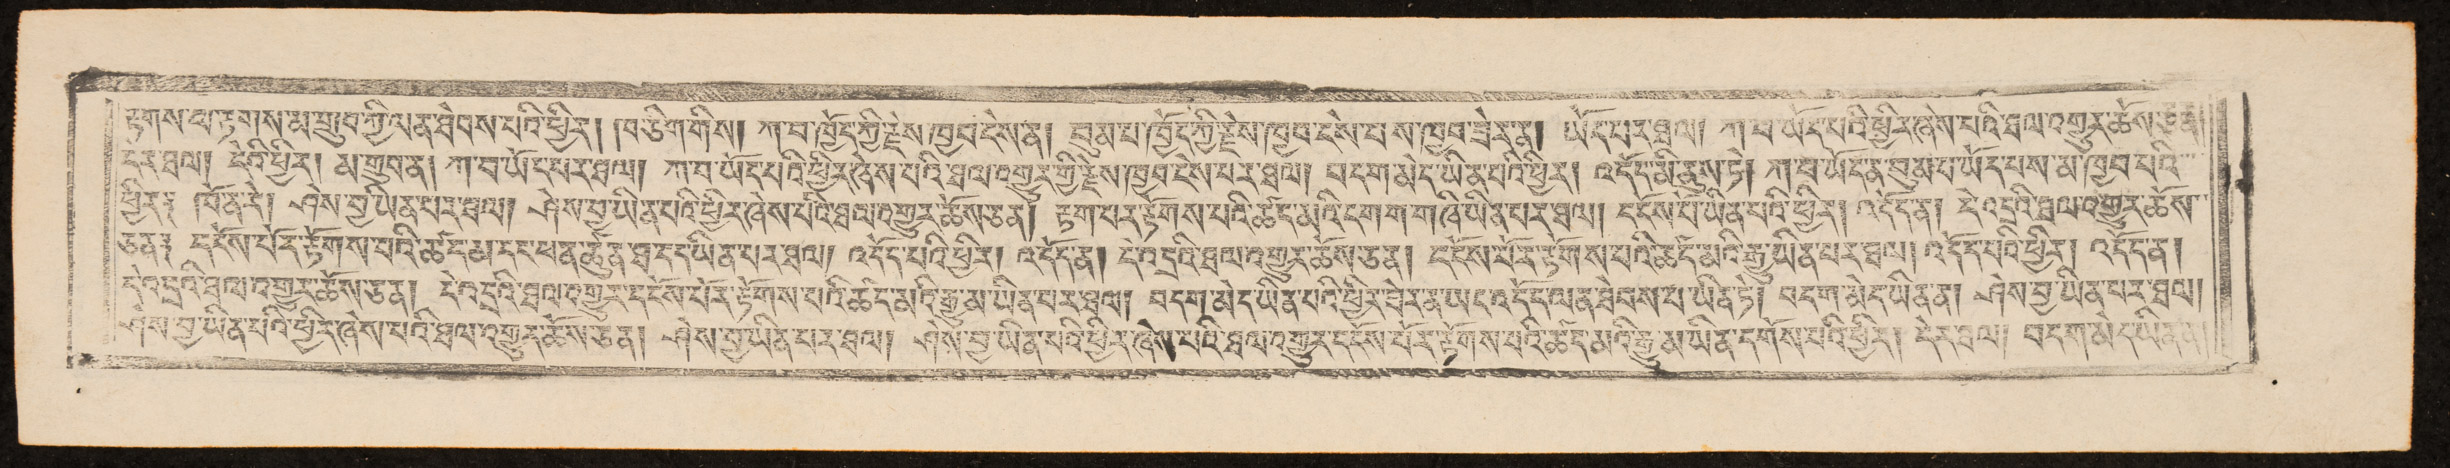རྟགས་ལ་རྟགས་མ་གྲུབ་ཀྱི་ལན་ཐེབས་པའི་ཕྱིར། ཁ་ཅིག་གིས། ཀ་བ་ཁྱོད་ཀྱི་རྗེས་ཁྱབ་ངེས་ན། བུམ་པ་ཁྱོད་ཀྱི་རྗེས་ཁྱབ་ངེས་པས་ཁྱབ་ཟེར་ན། ཡོད་པར་ཐལ། ཀ་བ་ཡོད་པའི་ཕྱིར་ཞེས་པའི་ཐལ་འགྱུར་ཆོས་ཅན།
དེར་ཐལ། དེའི་ཕྱིར། མ་གྲུབ་ན། ཀ་བ་ཡོད་པར་ཐལ། ཀ་བ་ཡོད་པའི་ཕྱིར་ཞེས་པའི་ཐལ་འགྱུར་གྱི་རྗེས་ཁྱབ་ངེས་པར་ཐལ། བདག་མེད་ཡིན་པའི་ཕྱིར། འདོད་མི་ནུས་ཏེ། ཀ་བ་ཡོད་ན་བུམ་པ་ཡོད་པས་མ་ཁྱབ་པའི་
ཕྱིར། ཁོ་ན་རེ། ཤེས་བྱ་ཡིན་པར་ཐལ། ཤེས་བྱ་ཡིན་པའི་ཕྱིར་ཞེས་པའི་ཐལ་འགྱུར་ཆོས་ཅན། རྟག་པར་རྟོགས་པའི་ཚད་མའི་དགག་གཞི་ཡིན་པར་ཐལ། དངོས་པོ་ཡིན་པའི་ཕྱིར། འདོད་ན། དེ་འདྲའི་ཐལ་འགྱུར་ཆོས་
ཅན། དངོས་པོར་རྟོགས་པའི་ཚད་མ་དང་ཕན་ཚུན་ཐ་དད་ཡིན་པར་ཐལ། འདོད་པའི་ཕྱིར། འདོད་ན། དེ་འདྲའི་ཐལ་འགྱུར་ཆོས་ཅན། དངོས་པོར་རྟོགས་པའི་ཚད་མའི་རྒྱུ་ཡིན་པར་ཐལ། འདོད་པའི་ཕྱིར། འདོད་ན།
དེ་འདྲའི་ཐལ་འགྱུར་ཆོས་ཅན། དེ་འདྲའི་ཐལ་འགྱུར་དངོས་པོར་རྟོགས་པའི་ཚད་མའི་རྒྱུ་མ་ཡིན་པར་ཐལ། བདག་མེད་ཡིན་པའི་ཕྱིར་ཟེར་ན་ཡང་འདོད་ལན་ཐེབས་པ་ཡིན་ཏེ། བདག་མེད་ཡིན་ན། ཤེས་བྱ་ཡིན་པར་ཐལ།
ཤེས་བྱ་ཡིན་པའི་ཕྱིར་ཞེས་པའི་ཐལ་འགྱུར་ཆོས་ཅན། ཤེས་བྱ་ཡིན་པར་ཐལ། ཤེས་བྱ་ཡིན་པའི་ཕྱིར་ཞེས་པའི་ཐལ་འགྱུར་དངོས་པོར་རྟོགས་པའི་ཚད་མའི་རྒྱུ་མ་ཡིན་དགོས་པའི་ཕྱིར། དེར་ཐལ། བདག་མེད་ཡིན་ན།